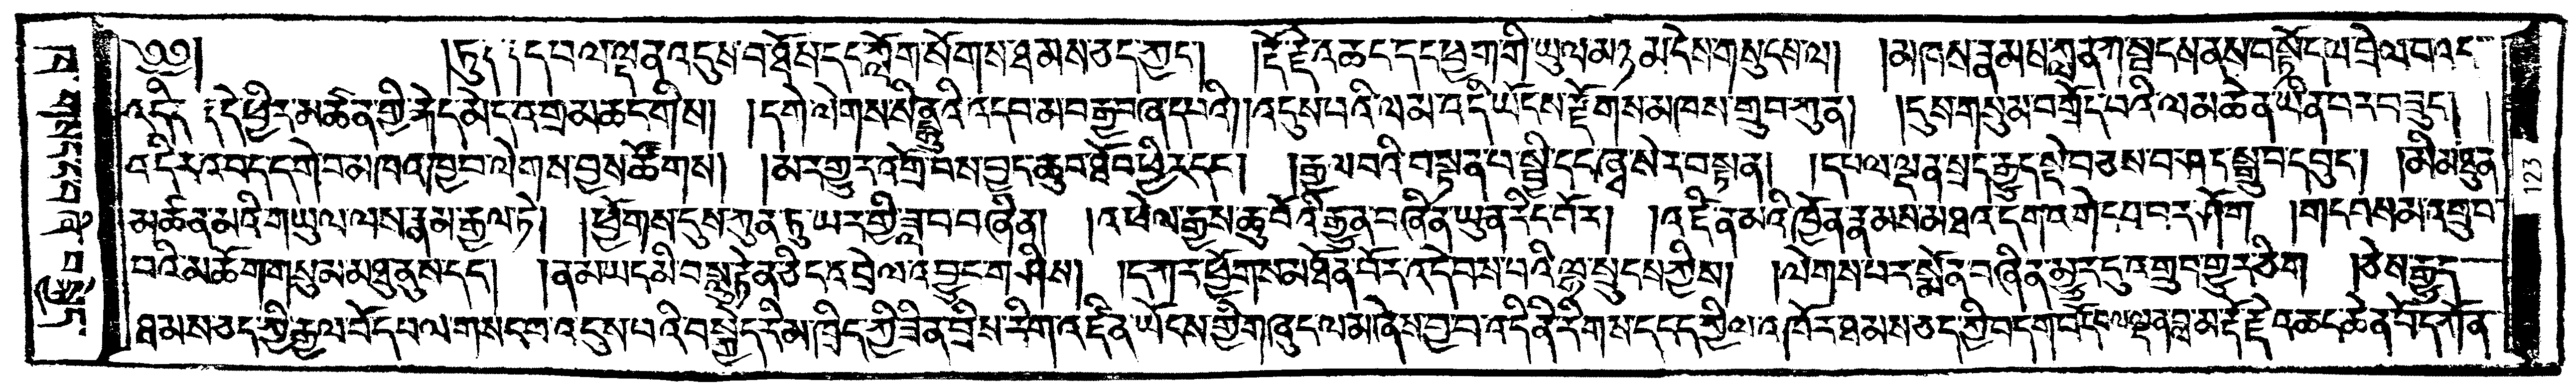༄༅། །ཏུ༑ ༑དཔལ་ལྡན་འདུས་བ་ཐོས་དང་ཀློག་སོགས་ཐམས་ཅད་ཀྱང་། །རྡོ་རྗེ་འཆང་དང་ཕྱག་གི་ཡུལ་མཉམ་ངེས་གསུངས་ལ། །མཁས་རྣམས་ཀླན་ཀ་སྤངས་ནས་བསྟོད་ལ་བྲེལ་བའང་
འདི༑ ༑དེ་ཕྱིར་མཚན་གྱི་རྐེད་མེད་འགྲམ་ཆང་གིས། །དགེ་ལེགས་སིནྡྷུའི་འདབ་མ་བརྒྱ་བཞད་པའི། །འདུས་པའི་ལམ་འདི་ཡོངས་རྫོགས་མཁས་གྲུབ་ཀུན། །དུས་གསུམ་བགྲོད་པའི་ལ་མཆེན་ཡིན་པར་བཟུང་།
འདིར་འབད་དགེ་བ་མཁའ་ཁྱབ་ལེགས་བྱས་ཚོགས། །མར་གྱུར་འགྲོ་བས་བྱང་ཆུབ་ཐོབ་ཕྱིར་དང་། །རྒྱལ་བའི་བསྟན་པ་སྤྱི་དང་ཞྭ་སེར་བསྟན། །དཔལ་ལྡན་སྲད་རྒྱུད་སྡེ་བཅས་བཤད་སྒྲུབ་དབུང་། །མི་མཐུན་
མཚན་མའི་གཡུལ་ལས་རྣམ་རྒྱལ་ཏེ། །ཕྱོགས་དུས་ཀུན་ཏུ་ཡར་གྱི་ཟླ་བ་བཞིན། །འཕེལ་རྒྱས་ཆུ་བོའི་རྒྱུན་བཞིན་ཡུན་རིང་བོར། །འཛིན་མའི་ཁྱོན་རྣམས་མཐའ་དག་འགེངས?་བར་ཤོག །གང་བསམ་འགྲུབ་
པའི་མཆོག་གསུམ་མཐུ་ནུས་དང་། །ནམ་ཡང་མི་བསླུ་རྟེན་ཅིང་འབྲེལ་འབྱུང་གཤིས། །དཀར་ཕྱོགས་མཐོན་བོ་འདེབས་པའི་ལྷ་སྲུངས་ཀྱིས། །ལེགས་པར་སྨོན་བཞིན་མྱུར་དུ་འགྲུབ་གྱུར་ཅིག །ཅེས་རྒྱུད་
ཐམས་ཅད་ཀྱི་རྒྱལ་པོ་དཔལ་གསང་བ་འདུས་པའི་བསྐྱེད་རིམ་ཁྲིད་ཀྱི་ཟིན་བྲིས་རིག་འཛིན་ཡོངས་གྱི་གཞུང་ལམ་ཞེས་བྱ་བ་འདི་ནི་རིགས་དང་དཀྱིལ་འཁོར་ཐམས་ཅད་ཀྱི་བདག་པོ་དཔལ་ལྡན་བླ་མ་རྡོ་རྗེ་འཆང་ཆེན་པོ་དཀོན་